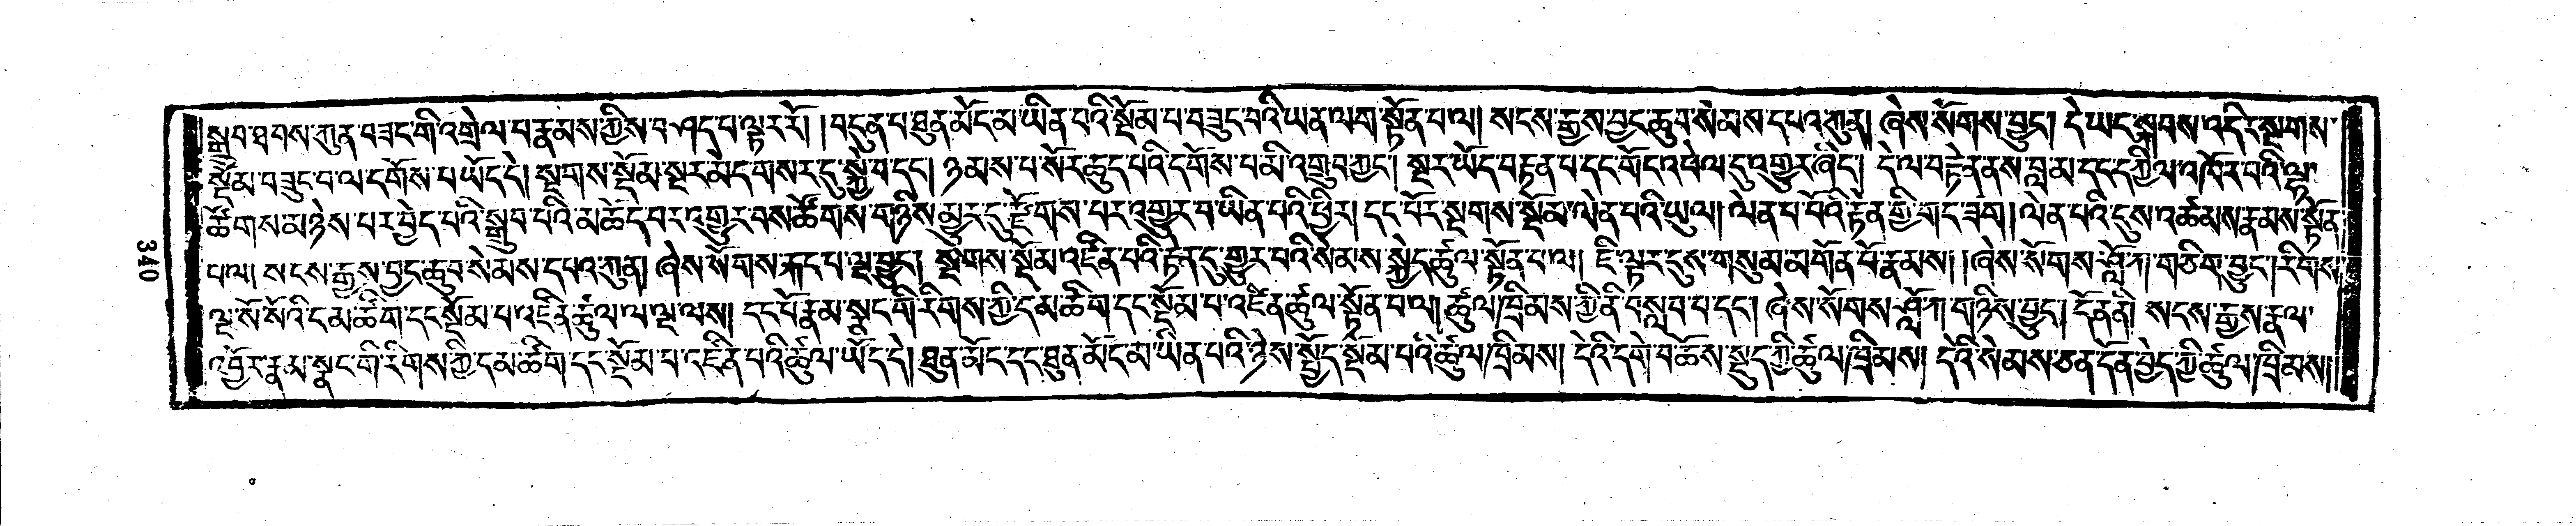སྒྲུབ་ཐབས་ཀུན་བཟང་གི་འགྲེལ་པ་རྣམས་ཀྱིས་བཤད་པ་ལྟར་རོ། །བདུན་པ་ཐུན་མོང་མ་ཡིན་པའི་སྡོམ་པ་བཟུང་བའི་ཡན་ལག་སྟོན་པ་ལ། སངས་རྒྱས་བྱང་ཆུབ་སེམས་དཔའ་ཀུན། ཞེས་སོགས་བྱུང་། དེ་ཡང་སྐབས་འདིར་སྔགས་
སྡོམ་བཟུང་བ་ལ་དགོས་པ་ཡོད་དེ། སྔགས་སྡོམ་སྔར་མེད་གསར་དུ་སྐྱེ་བ་དང་། ཉམས་པ་སོར་ཆུད་པའི་དགོས་པ་མི་འགྲུབ་ཀྱང་། སྔར་ཡོད་བརྟན་པ་དང་གོང་འཕེལ་དུ་འགྱུར་ཞིང་། དེ་ལ་བརྟེན་ནས་བླ་མ་དད་དཀྱིལ་འཁོར་པའི་ལྷ་
ཚོགས་མཉེས་པར་བྱེད་པའི་སྒྲུབ་པའི་མཆོད་པར་འགྱུར་བས་ཚོགས་གཉིས་མྱུར་དུ་རྫོགས་པར་འགྱུར་བ་ཡིན་པའི་ཕྱིར། དང་པོར་སྔགས་སྡོམ་ལེན་པའི་ཡུལ། ལེན་པ་པོའི་རྟེན་གྱི་གང་ཟག །ལེན་པའི་དུས་འཚམས་རྣམས་སྟོན་
པ་ལ༑ སངས་རྒྱས་བྱང་ཆུབ་སེམས་དཔའ་ཀུན། ཞེས་སོགས་རྐང་པ་ལྔ་བྱུང་། སྔགས་སྡོམ་འཛིན་པའི་རྟེན་དུ་གྱུར་པའི་སེམས་སྐྱེད་ཚུལ་སྟོན་པ་ལ། ཇི་ལྟར་དུས་གསུམ་མགོན་པོ་རྣམས། །ཞེས་སོགས་ཤློ་ཀ་གཅིག་བྱུང་། རིགས་
ལྔ་སོ་སོའི་དམ་ཚིག་དང་སྡོམ་པ་འཛིན་ཚུལ་ལ་ལྔ་ལས། དང་པོ་རྣམ་སྣང་གི་རིགས་ཀྱི་དམ་ཚིག་དང་སྡོམ་པ་འཛིན་ཚུལ་སྟོན་པ་ལ། ཚུལ་ཁྲིམས་ཀྱི་ནི་བསླབ་པ་དང་། ཞེས་སོགས་ཤློ་ཀ་གཉིས་བྱུང་། དོན་ནི། སངས་རྒྱས་རྣལ་
འབྱོར་རྣམ་སྣང་གི་རིགས་ཀྱི་དམ་ཚིག་དང་སྡོམ་པ་འཛིན་པའི་ཚུལ་ཡོད་དེ། ཐུན་མོང་དང་ཐུན་མོང་མ་ཡིན་པའི་ཉེས་སྤྱོད་སྡོམ་པའི་ཚུལ་ཁྲིམས། དེའི་དགེ་བ་ཆོས་སྡུད་ཀྱི་ཚུལ་ཁྲིམས། དེའི་སེམས་ཅན་དོན་བྱེད་ཀྱི་ཚུལ་ཁྲིམས།